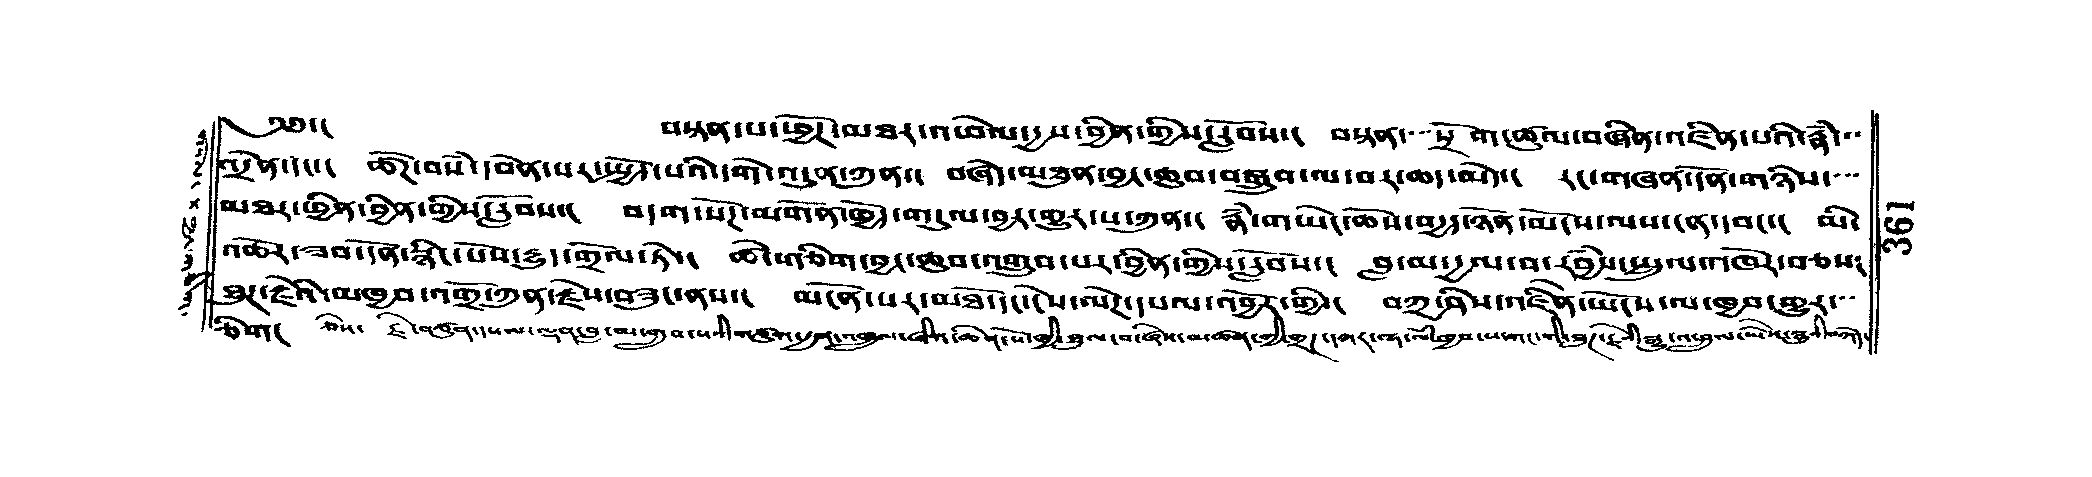།བསྟན་པ་ཕྱོགས་མཐར་འཕེལ་རྒྱས་བྱིན་གྱིས་རློབས། །བསྟན་སྲོག་ཚུལ་བཞིན་འཛིན་པའི་རྣམ་
འདྲེན་དང་། །ཚོགས་སམ་དབེན་པར་སྤྱོད་པའི་དགེ་འདུན་ཀུན། །བཞེད་མཐུན་བྱང་ཆུབ་བསྒྲུབ་ལ་བར་ཆད་མེད། །རང་གཞན་དོན་གཉིས་
མཐར་ཕྱིན་བྱིན་གྱིས་རློབས། །བདག་སོགས་མངགན་ཁྱོད་གདུལ་བྱར་གྱུར་པ་ཀུན། །རྣམ་གཡེང་ཆོས་བརྒྱད་ཉོན་མོངས་ལས་ངན་དབང་། །མི་
འཆོར་ཟབ་དོན་སྙིང་པོས་རྒྱུད་གྲོལ་ཏེ། །ཚེ་གཅིག་བྱང་ཆུབ་འགྲུབ་པར་བྱིན་གྱིས་རློབས། །བླ་མ་རྒྱལ་བ་རབ་འབྱམས་སྤྲུལ་འཁོར་བཅས། །
ཐུགས་རྗེའི་མཁའ་ཁྱབ་འགྲོ་ཀུན་རྗེས་བཟུང་ནས། །མངོན་པར་མཐོ་དང་ངེས་ལེགས་དཔལ་འབྱོར་གྱི། །བཀྲ་ཤིས་འཇིག་རྟེན་ཡོངས་ལ་ཁྱབ་གྱུར་
ཅིག ཅེས་རྗེ་བཙུན་དཔལ་ལྡན་བླ་མ་གྲུབ་པའི་གཙུག་རྒྱན་འཁྲུལ་ཞིག་ཆེན་པོ་ཁྱི་ཐུལ་བ་ཞེས་མཚན་གྱི་གྲགས་དཀར་ལྷ་ལམ་ཁྱབ་པ་གང་གི་ཐུགས་རྗེའི་སྒྱུ་འཕྲུལ་ཡེ་ཤེས་སྐུའི་བཀོད་